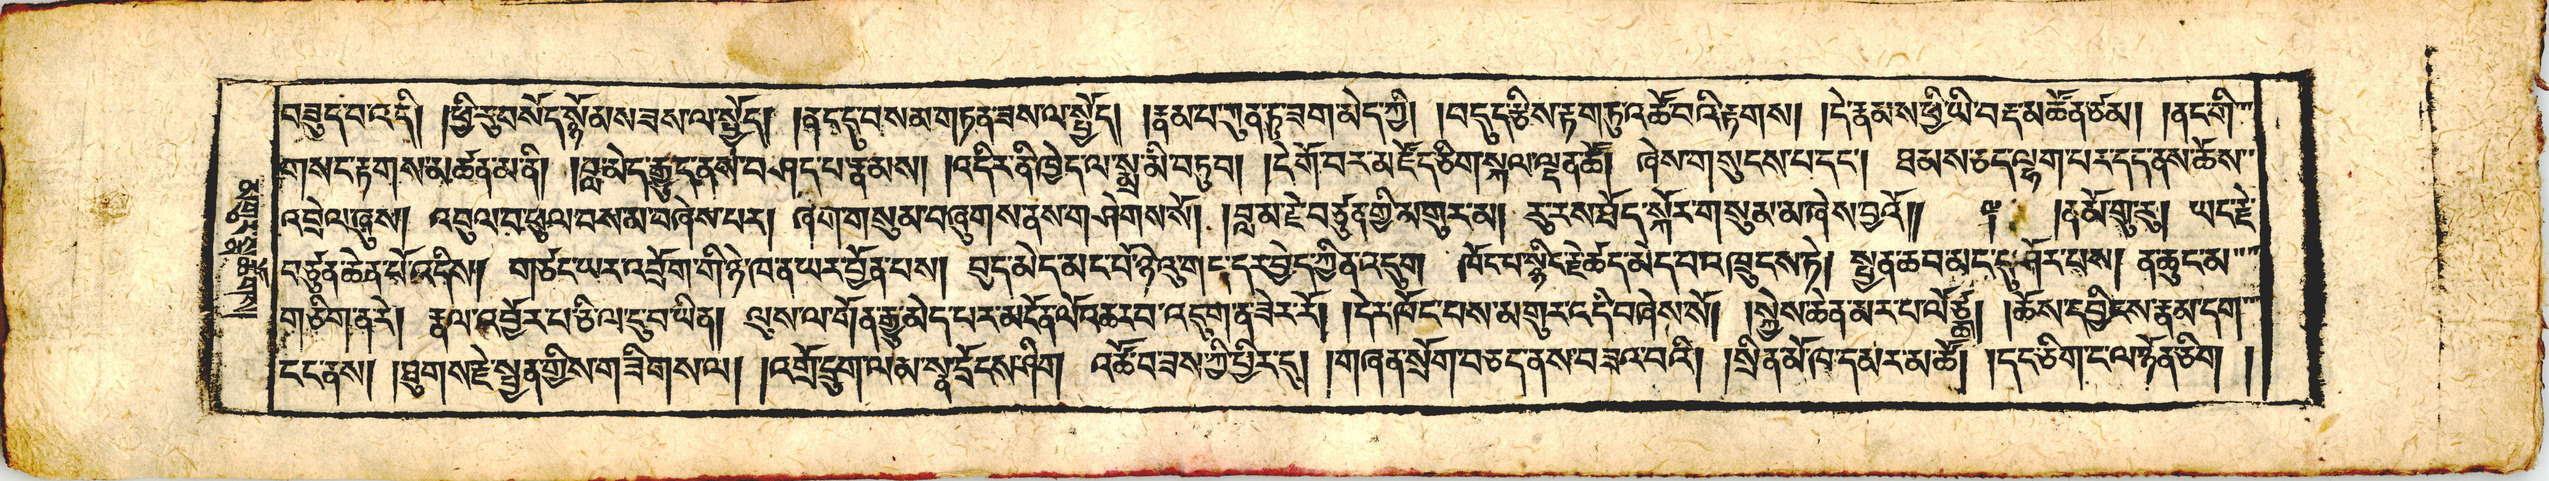བཟུང་བ་འདི། །ཕྱི་རུ་བསོད་སྙོམས་ཟས་ལ་སྤྱོད། །ནང་དུ་བསམ་གཏན་ཟས་ལ་སྤྱོད། །རྣམ་པ་ཀུན་ཏུ་ཟག་མེད་ཀྱི། །བདུད་རྩིས་རྟག་ཏུ་འཚོ་བའི་རྟགས། །དེ་རྣམས་ཕྱི་ཡི་བརྡ་མཚོན་ཙམ། །ནང་གི་
གསང་རྟགས་མཚན་མ་ནི། །བླ་མེད་རྒྱུུད་ནས་བཤད་པ་རྣམས། །འདིར་ནི་ཁྱེད་ལ་སྨྲ་མི་བཏུབ། །དེ་གོ་བར་མཛོད་ཅིག་སྐལ་ལྡན་ཚོ། །ཞེས་གསུངས་པ་དང་། ཐམས་ཅད་ལྷག་པར་དད་ནས་ཆོས་
འབྲེལ་ཞུས། འབུལ་བ་ཕུལ་བས་མ་བཞེས་པར། ཞག་གསུམ་བཞུགས་ནས་གཤེགས་སོ། །བླ་མ་རྗེ་བཙུན་གྱི་མ་གུར་མ། རུ་རས་ཐོད་སྐོར་གསུམ་མ་ཞེས་བྱའོ།། ༈ །ན་མོ་གུ་རུ། ཡང་རྗེ་
བཙུན་ཆེན་པོ་འདིས། གཙང་ཡར་འབྲོག་གི་ཉེ་ཁ་ན་ཡར་བྱོན་པས། བུད་མེད་མང་པོ་ཉེའུ་གང་དར་བྱེད་ཀྱིན་འདུག ཁོང་པ་སྙིང་རྗེ་ཚད་མེད་པ་འཁྲུངས་ཏེ། སྤྱན་ཆབ་མང་དུ་ཤོར་བས། ན་ཆུང་མ་
གཅིག་ན་རེ། རྣལ་འབྱོར་པ་ཅི་ལ་ངུ་བ་ཡིན། ལུས་ལ་གོན་རྒྱུ་མེད་པར་མངོན་ལོ་འཆར་བ་༼འཕྱར་༽འདུག་ན་ཟེར་རོ། །དེར་ཁོང་པས་མགུར་འདི་བཞེས་སོ། །སྐྱེས་ཆེན་མར་པ་ལོཙྪ། །ཆོས་དབྱིངས་རྣམ་དག་
ངང་ནས། །ཐུགས་རྗེ་སྤྱན་གྱིས་གཟིགས་ལ། །འགྲོ་དྲུག་ལམ་སྣ་དྲོངས་ཤིག འཚོ་བ་ཟས་ཀྱི་ཕྱིར་དུ། །གཞན་སྲོག་བཅད་ནས་བཟའ་བའི། །སྲིན་མོ་ཁ་དམར་མ་ཚོ། །དར་ཅིག་ང་ལ་ཉོན་ཅིག།